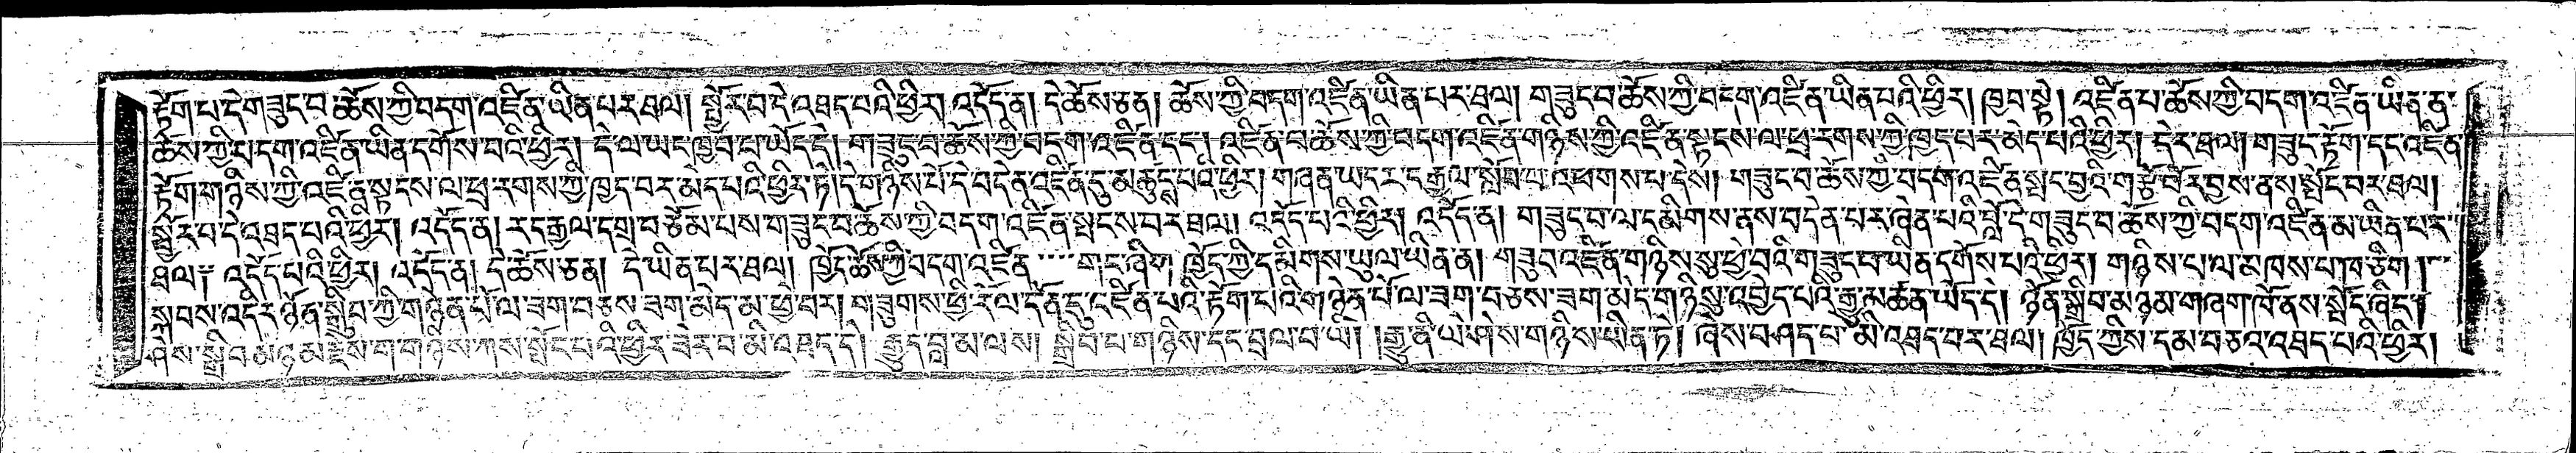རྟོག་པ་དེ་གཟུང་པ་ཆོས་ཀྱི་བདག་འཛིན་ཡིན་པར་ཐལ། སྦྱོར་བ་དེ་འཐད་པའི་ཕྱིར། འདོད་ན། དེ་ཆོས་ཅན། ཆོས་ཀྱི་བདག་འཛིན་ཡིན་པར་ཐལ། གཟུང་བ་ཆོས་ཀྱི་བདག་འཛིན་ཡིན་པའི་ཕྱིར། ཁྱབ་སྟེ། འཛིན་པ་ཆོས་ཀྱི་བདག་འཛིན་ཡིན་ན་
ཆོས་ཀྱི་བདག་འཛིན་ཡིན་དགོས་པའི་ཕྱིར། དེ་ལ་ཡང་ཁྱབ་པ་ཡོད་དེ། གཟུང་བ་ཆོས་ཀྱི་བདག་འཛིན་དང་། འཛིན་པ་ཆོས་ཀྱི་བདག་འཛིན་གཉིས་ཀྱི་འཛིན་སྟངས་ལ་ཕྲ་རགས་ཀྱི་ཁྱད་པར་མེད་པའི་ཕྱིར། དེར་ཐལ། གཟུང་རྟོག་དང་འཛིན་
རྟོག་གཉིས་ཀྱི་འཛིན་སྟངས་ལ་ཕྲ་རགས་ཀྱི་ཁྱད་བར་མེད་པའི་ཕྱིར་ཏེ། དེ་གཉིས་པོ་དེ་བདེན་འཛིན་དུ་མཚུངས་པའི་ཕྱིར། གཞན་ཡང་རང་རྒྱལ་སློབ་པ་འཕགས་པ་དེས། གཟུང་བ་ཆོས་ཀྱི་བདག་འཛིན་སྤང་བྱའི་གཙོ་བོར་བྱས་ནས་སྤོང་བར་ཐལ།
སྦྱོར་བ་དེ་འཐད་པའི་ཕྱིར། འདོད་ན། རང་རྒྱལ་དགྲ་བཅོམ་པས་གཟུང་བ་ཆོས་ཀྱི་བདག་འཛིན་སྤངས་བར་ཐལ། འདོད་པའི་ཕྱིར། འདོད་ན། གཟུང་བ་ལ་དམིགས་ནས་བདེན་པར་ཞེན་པའི་བློ་དེ་གཟུང་བ་ཆོས་ཀྱི་བདག་འཛིན་མ་ཡིན་པར་
ཐལ༑ འདོད་པའི་ཕྱིར། འདོད་ན། དེ་ཆོས་ཅན། དེ་ཡིན་པར་ཐལ། ཁྱོད་ཆོས་ཀྱི་བདག་འཛིན་གང་ཞིག་ཁྱོད་ཀྱི་དམིགས་ཡུལ་ཡིན་ན། གཟུང་འཛིན་གཉིས་སུ་ཕྱེ་བའི་གཟུང་བ་ཡིན་དགོས་པའི་ཕྱིར། གཉིས་པ་ལ་མཁས་པ་ཁ་ཅིག །
སྐབས་འདིར་ཉོན་སྒྲིབ་ཀྱི་གཉེན་པོ་ལ་ཟག་བཅས་ཟག་མེད་མ་ཕྱེ་བར། གཟུགས་ཕྱི་རོལ་དོན་དུ་འཛིན་པའི་རྟོག་པའི་གཉེན་པོ་ལ་ཟག་བཅས་ཟག་མེད་གཉིས་སུ་འབྱེད་པའི་རྒྱུ་མཚན་ཡོད་དེ། ཉོན་སྒྲིབ་མཉམ་གཞག་ཁོ་ནས་སྤོང་ཞིང་།
ཤེས་སྒྲིབ་མཉམ་རྗེས་གཉིས་ཀས་སྤོང་བའི་ཕྱིར་ཟེར་བ་མི་འཐད་དེ། རྒྱུད་བླ་མ་ལས། སྒྲིབ་པ་གཉིས་དང་བྲལ་བ་ཡི། །རྒྱུ་ནི་ཡེ་ཤེས་གཉིས་ཡིན་ཏེ། ཞེས་བཤད་པ་མི་འཐད་པར་ཐལ། ཁྱོད་ཀྱིས་དམ་བཅའ་འཐད་པའི་ཕྱིར།